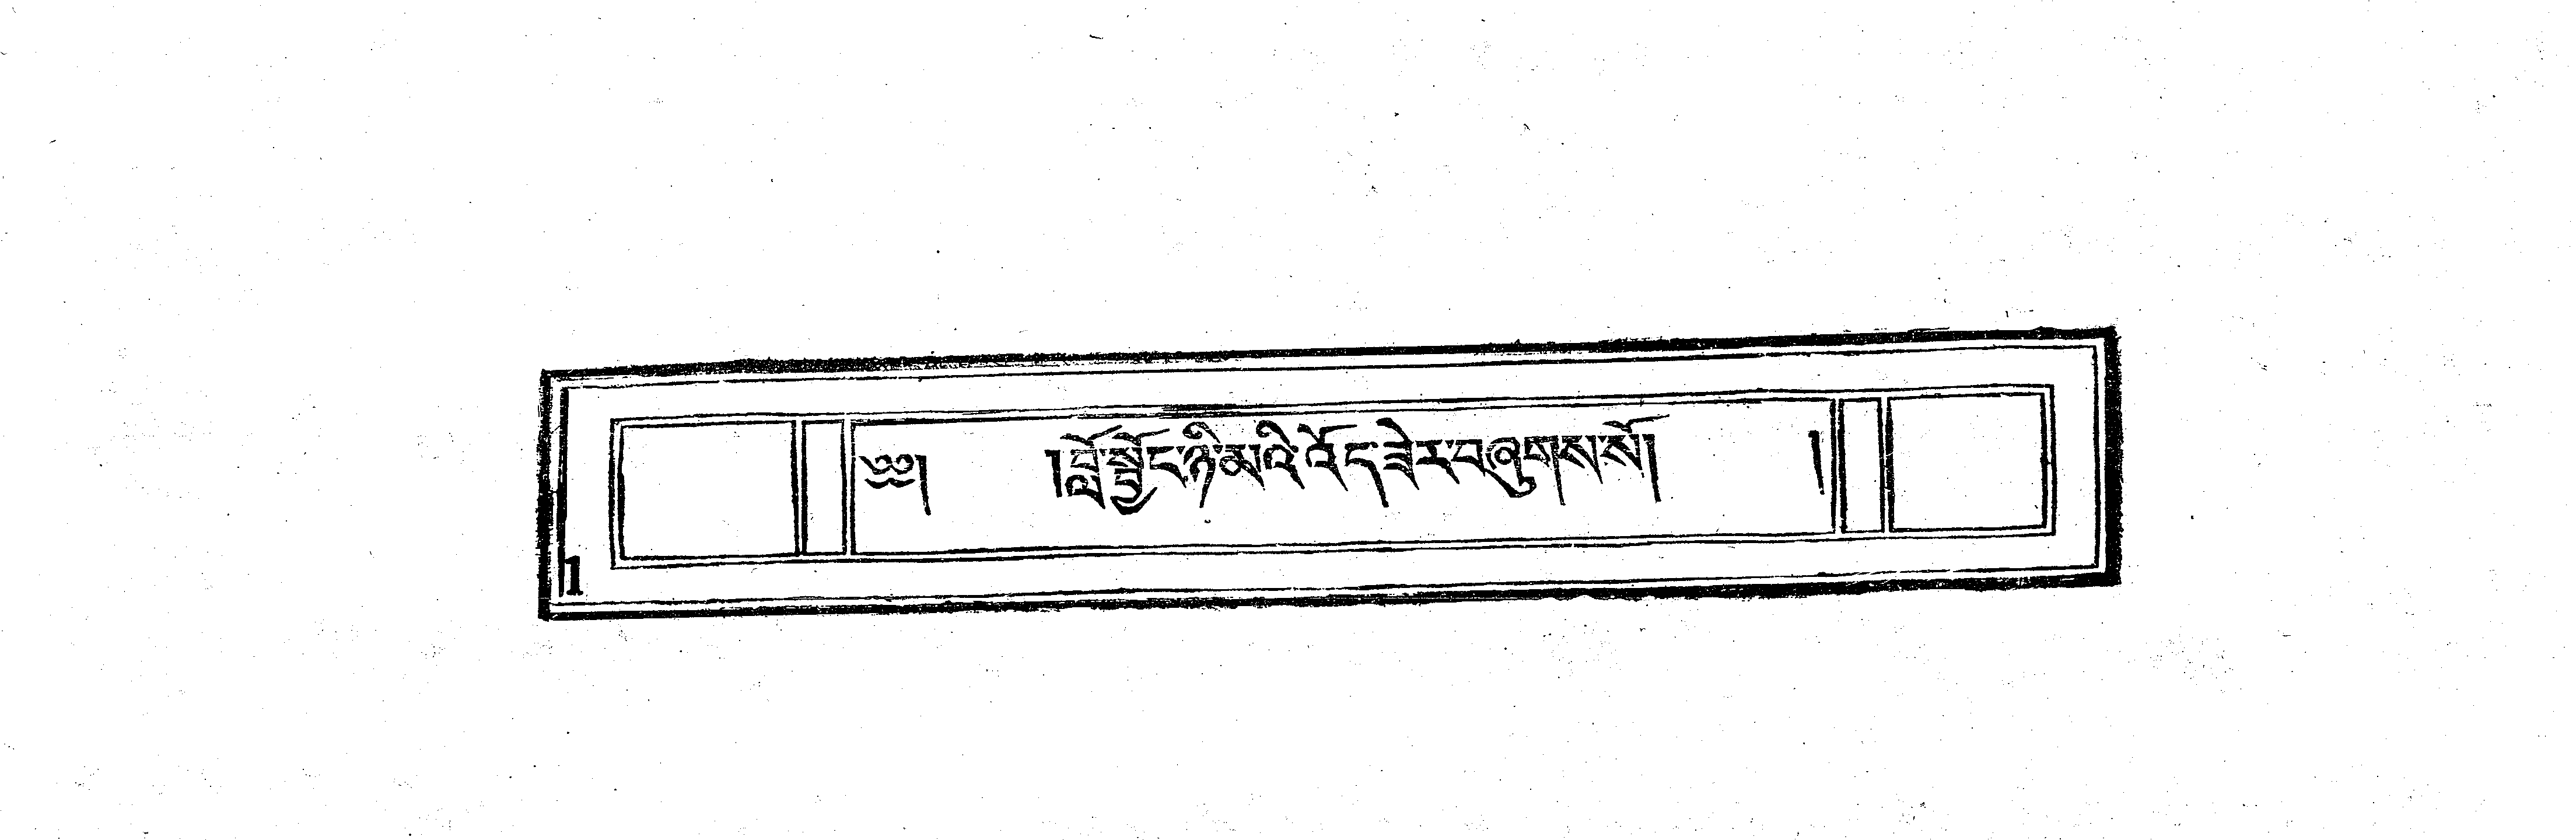༄༅། །བློ་སྦྱོང་ཉི་མའི་འོད་ཟེར་བཞུགས་སོ། །